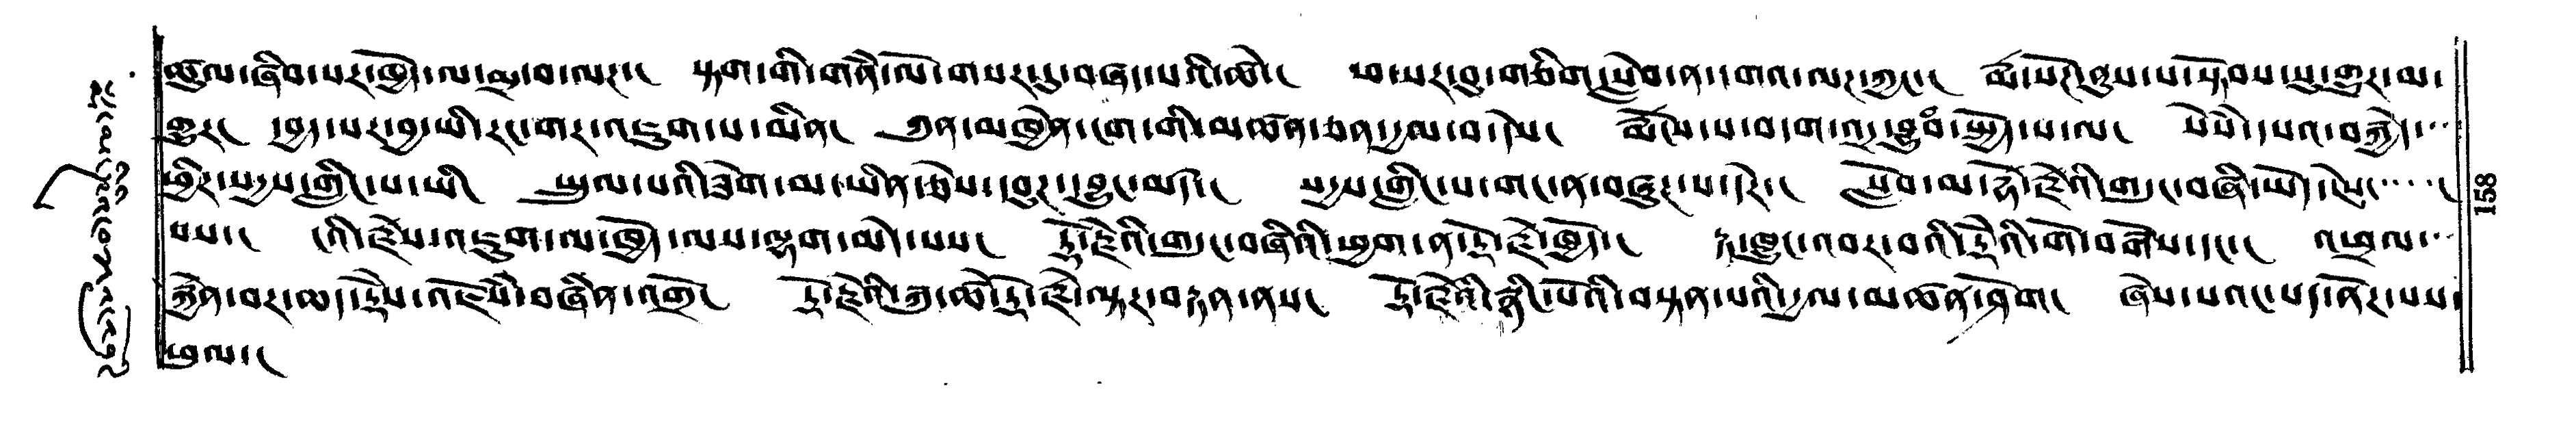ཚུལ་ཞིབ་པར་ཁྱེད་ལ་སྨྲ་བ་ལགས། །སྟག་གི་གནམ་ལོ་གསར་དུ་བཞད་པའི་ཚེ། །ཕ་སར་བུ་གཅིག་སླེབ་ན་དགའ་ལགས་ཀྱང་། །སྨན་སོགས་ནུས་པ་སྟོབས་སུ་གྱུར་མ་
གྱུར། །དཔྱད་པར་བྱ་ཡི་རང་དགར་འཇུག་པ་མིན། །ཀུན་མཁྱེན་ངག་གི་མཚན་ཅན་རྒྱལ་བ་དེས། །རྨོངས་པ་བདག་འདྲ་བྱང་ཆུབ་སྤྱོད་པ་ལ། །སེམས་དཔའ་བསྐྱེད་
ཕྱིར་སངས་རྒྱས་གླིང་པ་ཡི། །སྤྲུལ་པའི་ཟེགས་མ་ཡིན་ཅེས་དབུགས་དབྱུང་མཛད། །སངས་རྒྱས་གླིང་པ་གང་ན་བཞུགས་པ་དེར། །སློབ་མ་རྡོ་རྗེའི་གདུང་བཞི་ཡོད་ངེས་
པས། །ང་ཡི་རྗེས་འཇུག་ཁྱོད་ལས་ལྷག་པ་མེད། །རྡོ་རྗེའི་གདུང་བཞིའི་ཕྱག་ན་རྡོ་རྗེ་ཁྱེད། །རྟ་ཁྱུང་འབར་བའི་རྡོ་རྗེའི་གོ་སྒོས་དང་། འཕྲལ་
རྐྱེན་བར་ཆད་རྡོ་རྗེས་འཇོམས་བཞིན་འགྲོ །རྡོ་རྗེའི་སྐུ་ཚེ་རྡོ་རྗེ་ལྟར་བརྟན་ནས། །རྡོ་རྗེའི་སྙིང་པོའི་བསྟན་པའི་རྒྱལ་མཚན་ཤོགཞེས་པའང་པད་ནོར་པས་ཕུལ། 
དགེའོ།།